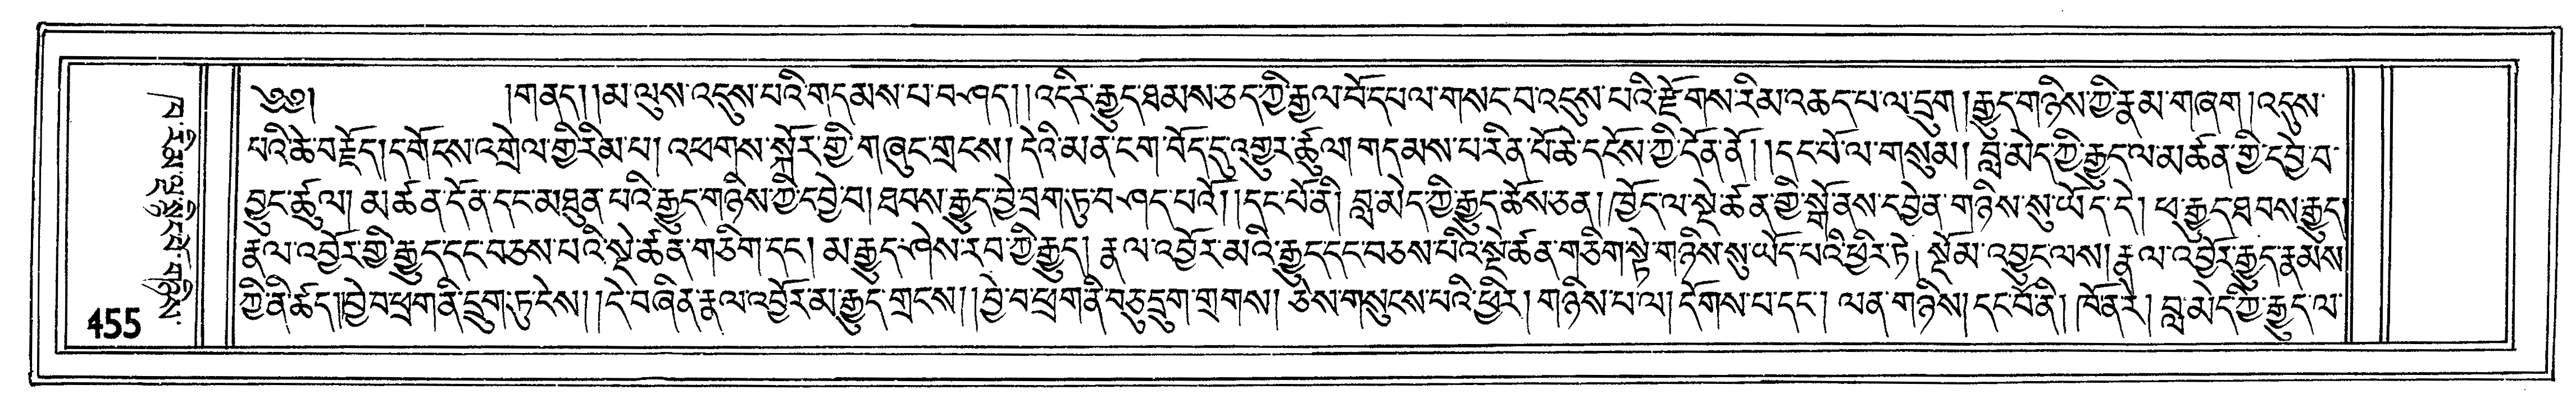༄༅། །གནད། །མ་ལུས་འདུས་པའི་གདམས་པ་བཤད། །འདིར་རྒྱུད་ཐམས་ཅད་ཀྱི་རྒྱལ་པོ་དཔལ་གསང་བ་འདུས་པའི་རྫོགས་རིམ་འཆད་པ་ལ་དྲུག །རྒྱུད་གཉིས་ཀྱི་རྣམ་གཞག །འདུས་
པའི་ཆེ་བརྗོད། དགོངས་འགྲེལ་གྱི་རིམ་པ། འཕགས་སྐོར་གྱི་གཞུང་གྲངས། དེའི་མན་ངག་བོད་དུ་འགྱུར་ཚུལ། གདམས་པ་རིན་པོ་ཆེ་དངོས་ཀྱི་དོན་ནོ། །དང་པོ་ལ་གསུམ། བླ་མེད་ཀྱི་རྒྱུད་ལ་མཚན་གྱི་དབྱེ་བ་
བྱུང་ཚུལ། མཚན་དོན་དང་མཐུན་པའི་རྒྱུད་གཉིས་ཀྱི་དབྱེ་བ། ཐབས་རྒྱུད་བྱེ་བྲག་ཏུ་བཤད་པའོ། །དང་པོ་ནི། བླ་མེད་ཀྱི་རྒྱུད་ཆོས་ཅན། ཁྱོད་ལ་སྡེ་ཚན་གྱི་སྒོ་ནས་དབྱེ་ན་གཉིས་སུ་ཡོད་དེ། ཕ་རྒྱུད་ཐབས་རྒྱུད་
རྣལ་འབྱོར་གྱི་རྒྱུད་དང་བཅས་པའི་སྡེ་ཚན་གཅིག་དང་། མ་རྒྱུད་ཤེས་རབ་ཀྱི་རྒྱུད། རྣལ་འབྱོར་མའི་རྒྱུད་དང་བཅས་པའི་སྡེ་ཚན་གཅིག་སྟེ་གཉིས་སུ་ཡོད་པའི་ཕྱིར་ཏེ། སྡོམ་འབྱུང་ལས། རྣལ་འབྱོར་རྒྱུད་རྣམས་
ཀྱི་ནི་ཚད། །བྱེ་བ་ཕྲག་ནི་དྲུག་ཏུ་ངེས། །དེ་བཞིན་རྣལ་འབྱོར་མ་རྒྱུད་གྲངས། །བྱེ་བ་ཕྲག་ནི་བཅུ་དྲུག་གྲགས། ཅེས་གསུངས་པའི་ཕྱིར། གཉིས་པ་ལ། དོགས་པ་དང་། ལན་གཉིས། དང་པོ་ནི། ཁོ་ན་རེ། བླ་མེད་ཀྱི་རྒྱུད་ལ་